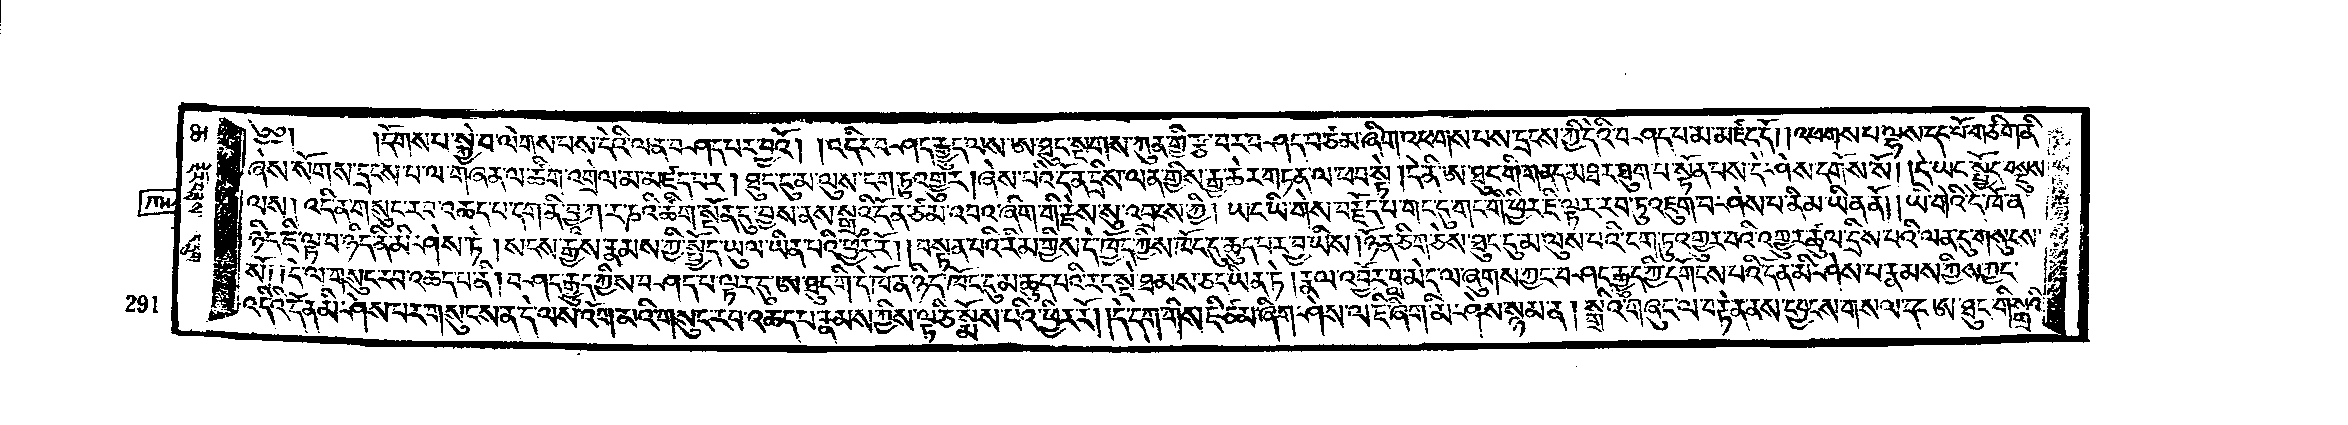༄༅། །དོགས་པ་སྐྱེ་བ་ལེགས་པས་དེའི་ལན་བཤད་པར་བྱའོ། །འདིར་བཤད་རྒྱུད་ལས་ཨ་ཐུང་སྔགས་ཀུན་གྱི་རྩ་བར་བཤད་པ་ཙམ་ཞིག་འཕགས་པས་དྲངས་ཀྱི་དེའི་བཤད་པ་མ་མཛད་དོ། །འཕགས་པ་ལྷས་དང་པོ་གཅིག་ནི་
ཞེས་སོགས་དྲངས་པ་ལ་གཞན་ལ་ཚིག་འགྲེལ་མ་མཛད་པར། ཐུང་དུ་མ་ལུས་ངག་ཏུ་འགྱུར། ཞེས་པའི་དོན་དྲིས་ལན་གྱིས་རྒྱ་ཆེར་གཏན་ལ་ཕབ་སྟེ། དེ་ནི་ཨ་ཐུང་གི་གནད་མཐར་ཐུག་པ་སྟོན་པས་དེ་ཤེས་དགོས་སོ། །དེ་ཡང་སྤྱོད་བསྡུས་
ལས། འདི་ན་གསུང་རབ་འཆད་པ་དག་ནི་བྱཱ་ཀ་ར་ཎའི་ཚིག་སྔོན་དུ་བྱས་ནས་སྒྲའི་དོན་ཙམ་འབའ་ཞིག་གི་རྗེས་སུ་འབྲངས་ཀྱི། ཡང་ཡི་གེས་བརྗོད་པ་གང་དུ་གང་གི་ཕྱིར་ཇི་ལྟར་རབ་ཏུ་འཇུག་པ་ཤེས་པ་ནི་མ་ཡིན་ནོ། །ཡི་གེའི་དེ་ཁོ་ན་
ཉིད་ཇི་ལྟ་བ་ཉིད་ནི་མི་ཤེས་ཏེ། སངས་རྒྱས་རྣམས་ཀྱི་སྤྱོད་ཡུལ་ཡིན་པའི་ཕྱིར་རོ། །བསྟན་པའི་རིམ་གྱིས་དེ་ཁྱོད་ཀྱིས་ཁོང་དུ་ཆུད་པར་བྱ་ཡིས། ཉོན་ཅིག་ཅེས་ཐུང་དུ་མ་ལུས་པའི་ངག་ཏུ་འགྱུར་བའི་འགྱུར་ཚུལ་དྲིས་པའི་ལན་དུ་གསུངས་
སོ། །དེ་ལ་གསུང་རབ་འཆད་པ་ནི། བཤད་རྒྱུད་ཀྱིས་བཤད་པ་ལྟར་དུ་ཨ་ཐུང་གི་དེ་ཁོ་ན་ཉིད་ཁོང་དུ་མ་ཆུད་པའི་རང་སྡེ་ཐམས་ཅད་ཡིན་ཏེ། རྣལ་འབྱོར་བླ་མེད་ལ་ཞུགས་ཀྱང་བཤད་རྒྱུད་ཀྱི་དགོངས་པའི་དོན་མི་ཤེས་པ་རྣམས་ཀྱིས་ཀྱང་
འདིའི་དོན་མི་ཤེས་པར་གསུངས་ན་དེ་ལས་འོག་མའི་གསུང་རབ་འཆད་པ་རྣམས་ཀྱིས་ལྟ་ཅི་སྨོས་པའི་ཕྱིར་རོ། །དེ་དག་གིས་ཇི་ཙམ་ཞིག་ཤེས་ལ་ཇི་ཞིག་མི་ཤེས་སྙམ་ན། སྒྲའི་གཞུང་ལ་བརྟེན་ནས་དབྱངས་གསལ་དང་ཨ་ཐུང་གི་སྒྲའི་